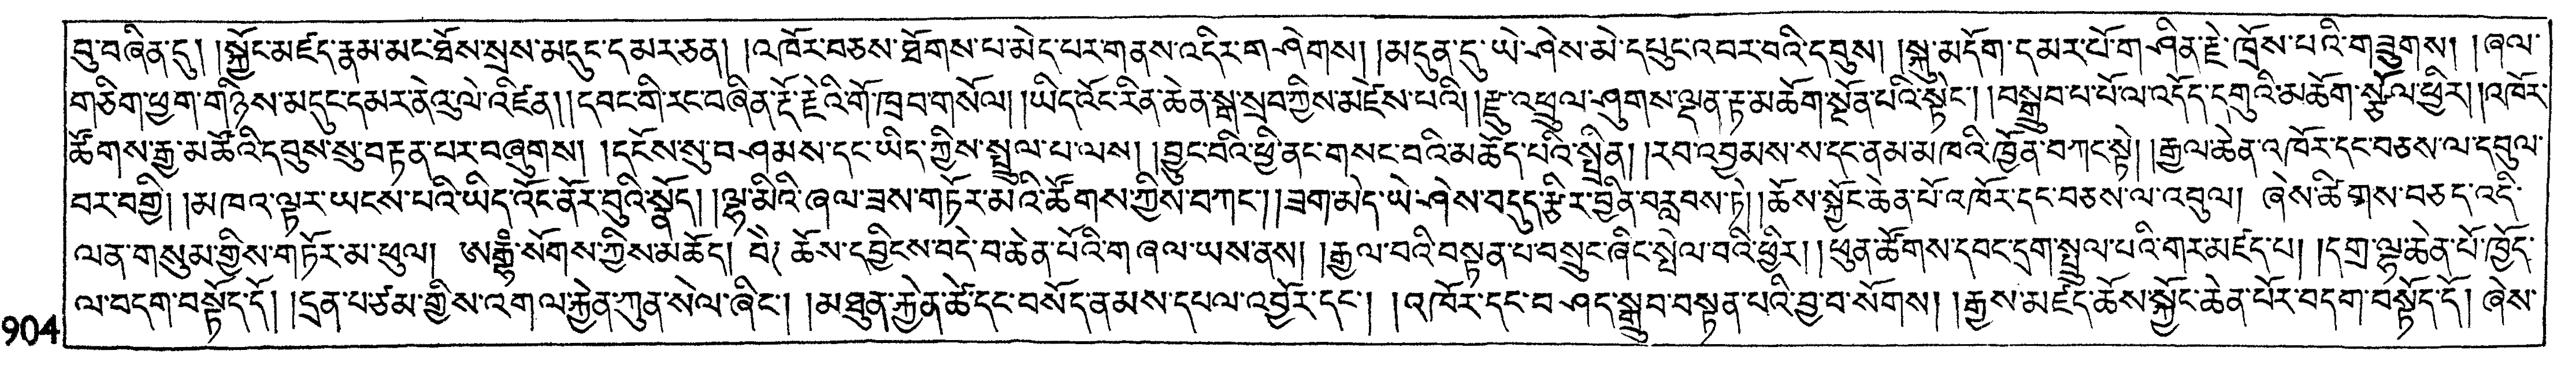བུ་བཞིན་དུ། །སྐྱོང་མཛད་རྣམ་མང་ཐོས་སྲས་མདུང་དམར་ཅན། །འཁོར་བཅས་ཐོགས་པ་མེད་པར་གནས་འདིར་གཤེགས། །མདུན་དུ་ཡེ་ཤེས་མེ་དཔུང་འབར་བའི་དབུས། །སྐུ་མདོག་དམར་པོ་གཤིན་རྗེ་ཁྲོས་པའི་གཟུགས། །ཞལ་
གཅིག་ཕྱག་གཉིས་མདུང་དམར་ནེའུ་ལེ་འཛིན། །དབང་གི་རང་བཞིན་རྡོ་རྗེའི་གོ་ཁྲབ་གསོལ། །ཡིད་འོང་རིན་ཆེན་སྒ་སྲབ་ཀྱིས་མཛེས་པའི། །རྫུ་འཕྲུལ་ཤུགས་ལྡན་རྟ་མཆོག་སྔོན་པའི་སྟེང་། །བསྒྲུབ་པ་པོ་ལ་འདོད་དགུའི་མཆོག་སྩོལ་ཕྱིར། །འཁོར་
ཚོགས་རྒྱ་མཚོའི་དབུས་སུ་བརྟན་པར་བཞུགས། །དངོས་སུ་བཤམས་དང་ཡིད་ཀྱིས་སྤྲུལ་པ་ལས། །བྱུང་བའི་ཕྱི་ནང་གསང་བའི་མཆོད་པའི་སྤྲིན། །རབ་འབྱམས་ས་དང་ནམ་མཁའི་ཁྱོན་བཀང་སྟེ། །རྒྱལ་ཆེན་འཁོར་དང་བཅས་ལ་དབུལ་
བར་བགྱི། །མཁའ་ལྟར་ཡངས་པའི་ཡིད་འོང་ནོར་བུའི་སྣོད། །ལྷ་མིའི་ཞལ་ཟས་གཏོར་མའི་ཚོགས་ཀྱིས་བཀང་། །ཟག་མེད་ཡེ་ཤེས་བདུད་རྩིར་བྱིན་བརླབས་ཏེ། །ཆོས་སྐྱོང་ཆེན་པོ་འཁོར་དང་བཅས་ལ་འབུལ། ཞེས་ཚིགས་བཅད་འདི་
ལན་གསུམ་གྱིས་གཏོར་མ་ཕུལ། ཨརྒྷཾ་སོགས་ཀྱིས་མཆོད། བཻ༑ ཆོས་དབྱིངས་བདེ་བ་ཆེན་པོའི་གཞལ་ཡས་ནས། །རྒྱལ་བའི་བསྟན་པ་བསྲུང་ཞིང་སྤེལ་བའི་ཕྱིར། །ཕུན་ཚོགས་དབང་དྲག་སྤྲུལ་པའི་གར་མཛད་པ། །དགྲ་ལྷ་ཆེན་པོ་ཁྱོད་
ལ་བདག་བསྟོད་དོ། །དྲན་པ་ཙམ་གྱིས་འགལ་རྐྱེན་ཀུན་སེལ་ཞིང་། །མཐུན་རྐྱེན་ཚེ་དང་བསོད་ནམས་དཔལ་འབྱོར་དང་། །འཁོར་དང་བཤད་སྒྲུབ་བསྟན་པའི་བྱ་བ་སོགས། །རྒྱས་མཛད་ཆོས་སྐྱོང་ཆེན་པོར་བདག་བསྟོད་དོ། ཞེས་